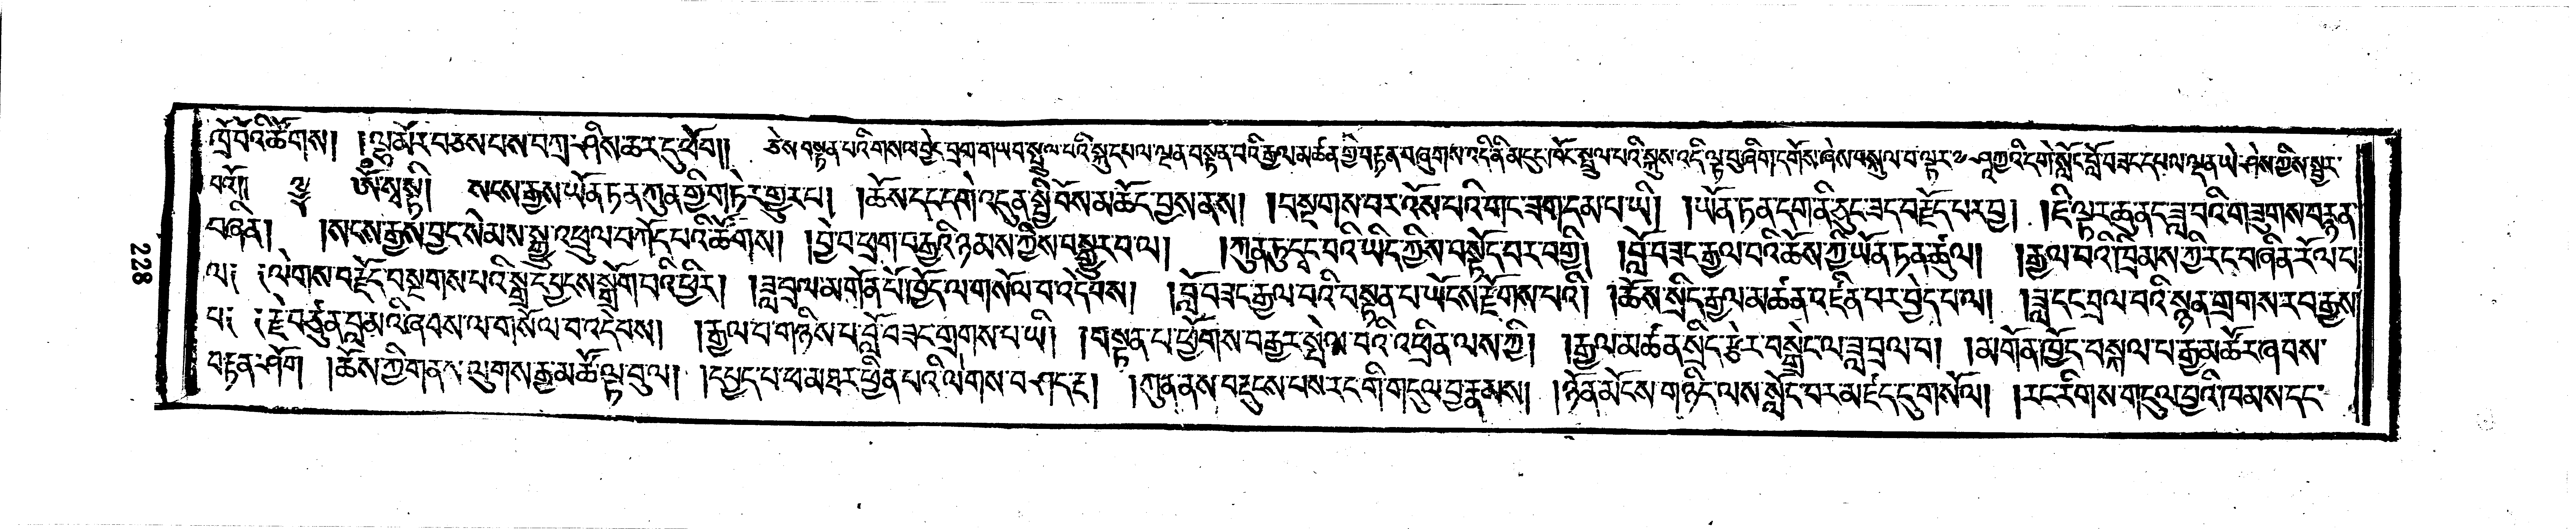ཁྲོ་བོའི་ཚོགས། །ལྷ་མོར་བཅས་པས་བཀྲ་ཤིས་ཆར་དུ་ཕོབ།། ཅེས་བསྟན་པའི་གསལ་བྱེད་བྲག་གཡབ་སྤྲུལ་པའི་སྐུ་དཔལ་ལྡན་བསྟན་པའི་རྒྱལ་མཚན་གྱི་བརྟན་བཞུགས་འདི་ནི་མདུང་ཁོང་སྤྲུལ་པའི་སྐུས་འདི་ལྟ་བུ་ཞིག་དགོས་ཞེས་བསྐུལ་བ་ལྟར་༧་ཤཱཀྱའི་དགེ་སློང་བློ་བཟང་དཔལ་ལྡན་ཡེ་ཤེས་ཀྱིས་སྦྱར་
བའོ།། ༈ ཨོཾ་སྭསྟི། སངས་རྒྱས་ཡོན་ཏན་ཀུན་གྱི་གཏེར་གྱུར་པ། །ཆོས་དང་དགེ་འདུན་སྦྱི་བོས་མཆོད་བྱས་ནས། །བསྔགས་པར་འོས་པའི་གང་ཟག་དམ་པ་ཡི། །ཡོན་ཏན་དག་ནི་ཅུང་ཟད་བརྗོད་པར་བྱ། །ཇི་ལྟར་ཆུ་ནང་ཟླ་བའི་གཟུགས་བརྙན་
བཞིན། །སངས་རྒྱས་བྱང་སེམས་སྒྱུ་འཕྲུལ་བཀོད་པའི་ཚོགས། །བྱེ་བ་ཕྲག་བརྒྱའི་ཉམས་ཀྱིས་བསྒྱུར་བ་ལ། །ཀུན་ཏུ་དྭང་བའི་ཡིད་ཀྱིས་བསྟོད་བར་བགྱི། །བློ་བཟང་རྒྱལ་བའི་ཆོས་ཀྱི་ཡོན་ཏན་ཚུལ། །རྒྱལ་བའི་ཁྲིམས་ཀྱི་རང་བཞིན་རོལ་པ་
ལ༑ ༑ལེགས་བརྗོད་བསྔགས་པའི་སྒྲ་དབྱངས་སྒྲོག་པའི་ཕྱིར། །ཟླ་བྲལ་མགོན་པོ་ཁྱོད་ལ་གསོལ་བ་འདེབས། །བློ་བཟང་རྒྱལ་བའི་བསྟན་པ་ཡོངས་རྫོགས་པའི། །ཆོས་སྲིད་རྒྱལ་མཚན་འཛིན་པར་བྱེད་པ་ལ། །ཟླ་དང་བྲལ་བའི་སྙན་གྲགས་རབ་རྒྱས་
པ༑ ༑རྗེ་བཙུན་བླ་མའི་ཞབས་ལ་གསོལ་བ་འདེབས། །རྒྱལ་བ་གཉིས་པ་བློ་བཟང་གྲགས་པ་ཡི། །བསྟན་པ་ཕྱོགས་བརྒྱར་སྤེལ་བའི་འཕྲིན་ལས་ཀྱི། །རྒྱལ་མཚན་སྲིད་རྩེར་བསྒྲེང་ལ་ཟླ་བྲལ་བ། །མགོན་ཁྱོད་བསྐལ་བ་རྒྱ་མཚོར་ཞབས་
བརྟན་ཤོག །ཆོས་ཀྱི་གནས་ལུགས་རྒྱ་མཚོ་ལྟ་བུ་ལ། །དཔྱད་པ་ཕ་མཐར་ཕྱིན་པའི་ལེགས་བཤད་རྔ། །ཀུན་ནས་བརྡུངས་པས་རང་གི་གདུལ་བྱ་རྣམས། །ཉོན་མོངས་གཉིད་ལས་སློང་བར་མཛད་དུ་གསོལ། །རང་རིགས་གདུལ་བྱའི་ཁམས་དང་